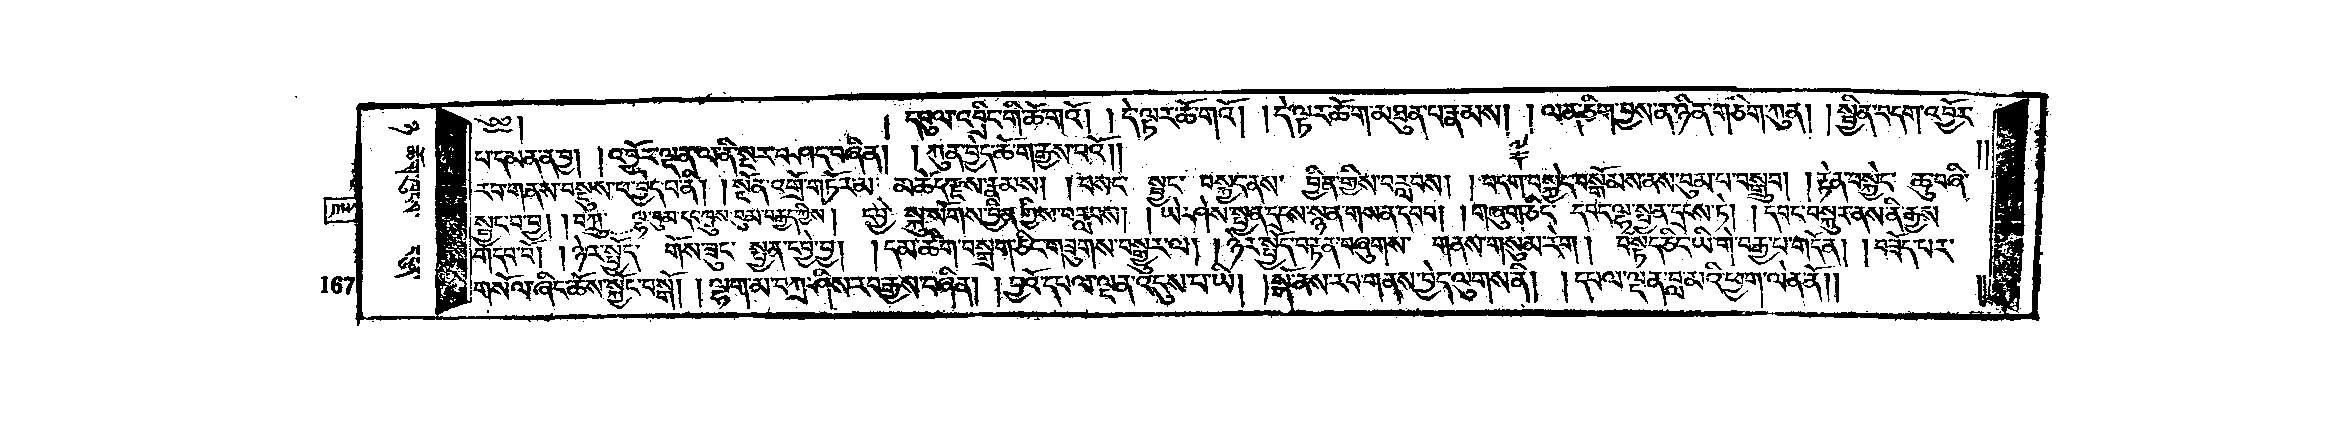༄༅། །དབུལ་འབྲིང་གི་ཆོ་གའོ། །དེ་ལྟར་ཆོ་གའོ། །དེ་ལྟར་ཆོ་ག་མཐུན་པ་རྣམས། །ལན་ཅིག་བྱས་ན་ཉིན་གཅིག་ཀུན། །སྦྱིན་བདག་འབྱོར་
པ་དམན་ན་བྱ། །འབྱོར་ལྡན་ལ་ནི་སྔར་བཤད་བཞིན། །ཀུན་བྱེད་ཆོ་ག་རྒྱས་པའོ།། ༈ །།
རབ་གནས་བསྡུས་པ་བྱེད་པ་ནི། །སྔོན་འགྲོ་གཏོར་མ་མཆོད་རྫས་རྣམས། །བསང་སྦྱང་བསྐྱད་ནས་བྱིན་གྱིས་བརླབས། །བདག་བསྐྱེད་བསྒོམས་ནས་བུམ་པ་བསྒྲུབ། །རྟེན་བསྐྱེད་ཆུ་བཞི་
སྦྱང་བ་བྱ། །བཀྲུ་ལྷ་བུམ་དང་ཁྲུས་བུམ་བརྒྱད་ཀྱིས། དབྱི་སྐུ་སོགས་བྱིན་གྱིས་བརླབས། །ཡེ་ཤེས་སྤྱན་དྲངས་སྙན་གསན་དབབ། །གཞུག་ཅིང་དབང་ལྷ་སྤྱན་དྲངས་ཏེ། །དབང་བསྐུར་ནས་ནི་རྒྱས་
གདབ་བོ། །ཉེར་སྤྱོད་གོས་ཟུང་སྤྱན་དབྱེ་བྱ། །དམ་ཚིག་བསྒྲག་ཅིང་གཟུགས་བསྒྱུར་ལ། །ཉེར་སྤྱོད་བརྟན་བཞུགས་གནས་གསུམ་རེག །བསྟོད་ཅིང་ཡི་གེ་བརྒྱ་པ་གདོན། །བཟོད་པར་
གསོལ་ཞིང་ཆོས་སྐྱོང་བསྒོ། །ལྷག་མ་བཀྲ་ཤིས་རབ་རྒྱས་བཞིན། །བྱའོ་དཔལ་ལྡན་འདུས་པ་ཡི། །སྒོ་ནས་རབ་གནས་བྱེད་ལུགས་ནི། །དཔལ་ལྡན་བླ་མའི་ཕྱག་ལེན་ནོ།། །།